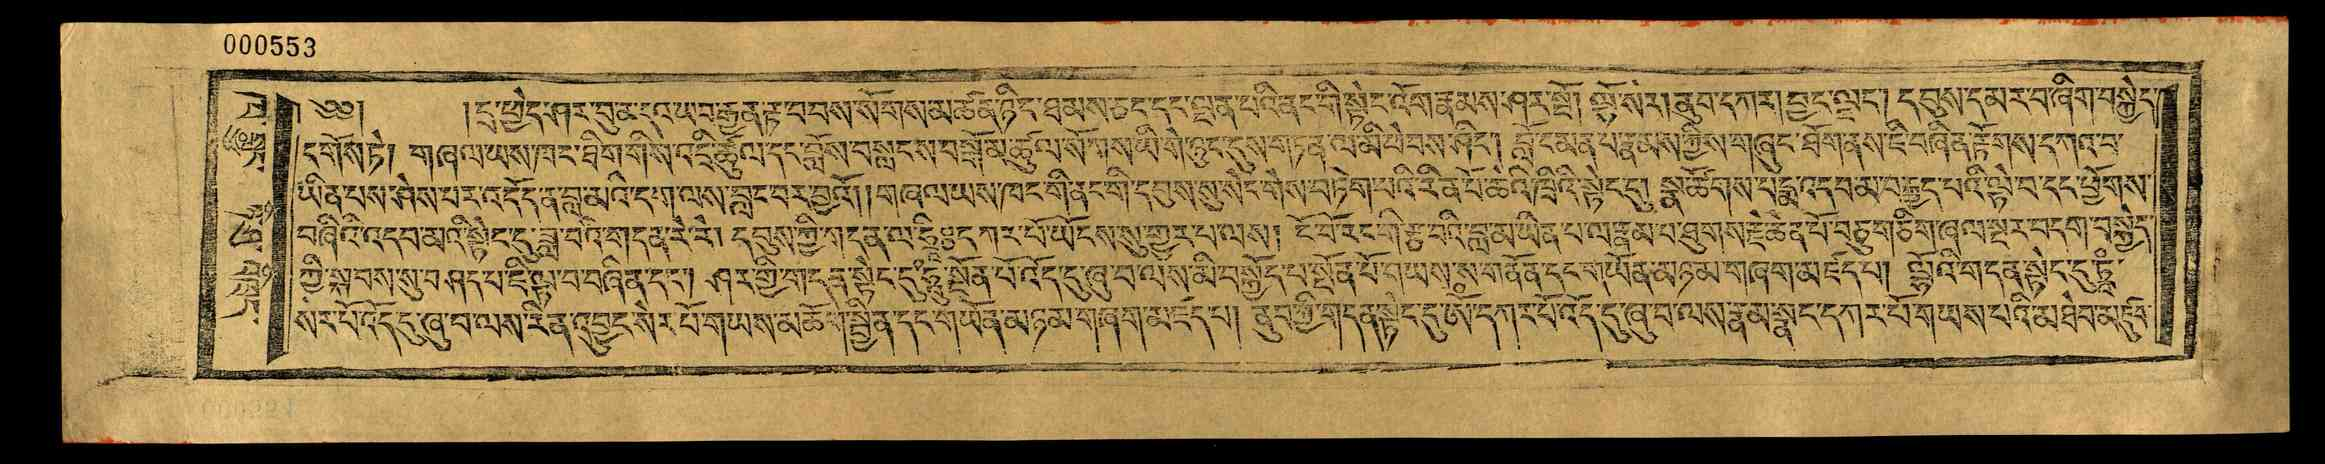༄༅། །དྲ་ཕྱེད་ཤར་བུ་མངའ་ཡབ་རྒྱན་རྟ་བབས་སོགས་མཚན་ཉིད་ཐམས་ཅད་དང་ལྡན་པའི་ནང་གི་སྟེང་འོག་རྣམས་ཤར་སྔོ། ལྷོ་སེར། ནུབ་དཀར། བྱང་ལྗང་། དབུས་དམར་བ་ཞིག་བསྐྱེད་
དགོས་ཏེ། གཞལ་ཡས་ཁང་ཐིག་གིས་འདྲི་ཚུལ་དང་བློས་བསླངས་བསྒོམ་ཚུལ་སོགས་ཡི་གེ་ཉུང་དུས་གཏན་ལ་མི་ཕེབས་ཤིང་། བློ་དམན་པ་རྣམས་ཀྱིས་གཞུང་ཐོག་ནས་ཇི་བཞིན་རྟོགས་དཀའ་བ་
ཡིན་པས་ཤེས་པར་འདོད་ན་བླ་མའི་དག་ལས་བླང་བར་བྱའོ། །གཞལ་ཡས་ཁང་གི་ནང་གི་དབུས་སུ་སེང་གེས་བཏེག་པའི་རིན་པོ་ཆེའི་ཁྲིའི་སྟེང་དུ། སྣ་ཚོགས་པདམ་འདབ་མ་བརྒྱད་པའི་ལྟེ་བ་དང་ཕྱོགས་
བཞིའི་འདབ་མའི་སྟེང་དུ་ཟླ་བའི་གདན་རེ་རེ། དབུས་ཀྱི་གདན་ལ་ཧྲིཿ དཀར་པོ་ཡོངས་སུ་གྱུར་པ་ལས། ངོ་བོ་རང་གི་རྩ་བའི་བླ་མ་ཡིན་པ་ལ་རྣམ་པ་ཐུགས་རྗེ་ཆེན་པོ་བཅུ་གཅིག་ཞལ་སྔར་བདག་བསྐྱེད་
ཀྱི་སྐབས་སུ་བཤད་པ་ཇི་ལྟ་བ་བཞིན་དང་། ཤར་གྱི་གདན་སྟེང་དུ་ཧཱུཾ་སྔོན་པོ་འོད་དུ་ཞུ་བ་ལས་མི་བསྐྱོད་པ་སྔོན་པོ་གཡས་ས་གནོན་དང་གཡོན་མཉམ་གཞག་མཛད་པ། ལྷོའི་གདན་སྟེང་དུ་ཏྲཱཾ་
སེར་པོ་འོད་དུ་ཞུ་བ་ལས་རིན་འབྱུང་སེར་པོ་གཡས་མཆོག་སྦྱིན་དང་གཡོན་མཉམ་གཞག་མཛད་པ། ནུབ་ཀྱི་གདན་སྟེང་དུ་ཨོཾ་དཀར་པོ་འོད་དུ་ཞུ་བ་ལས་རྣམ་སྣང་དཀར་པོ་གཡས་པའི་མཐེབ་མཛུབ་